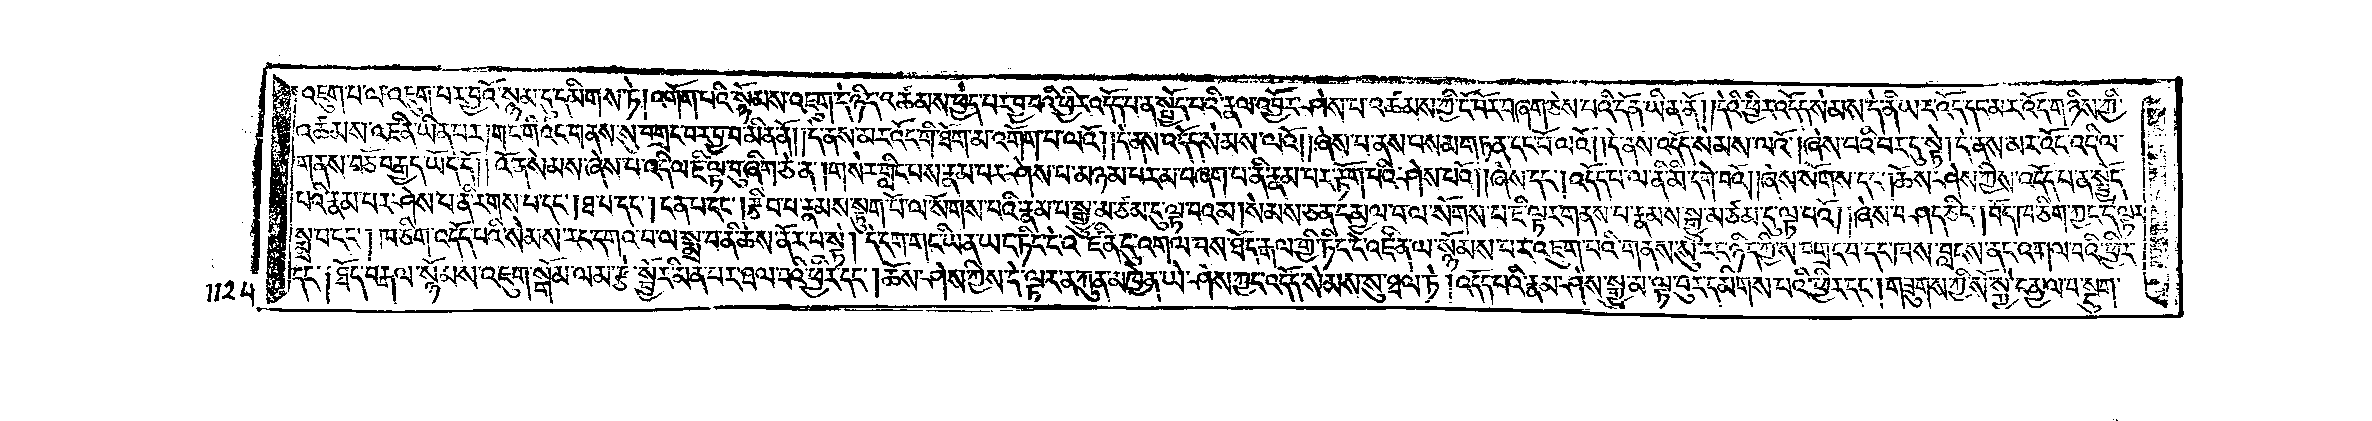འཇུག་པ་ལ་འཇུག་པར་བྱའོ་སྙམ་དུ་དམིགས་ཏེ། འགོག་པའི་སྙོམས་འཇུག་དེ་ཉིད་འཚམས་ཕྱེད་པར་བྱ་བའི་ཕྱིར་འདོད་པ་ན་སྤྱོད་པའི་རྣལ་འབྱོར་ཤེས་པ་འཚམས་ཀྱི་ངོ་བོར་བཞག་ཅེས་པའི་དོན་ཡིན་ནོ། །དེའི་ཕྱིར་འདོད་སེམས་དེ་ནི་ཡར་འོད་དང་མར་འོད་གཉིས་ཀྱི་
འཚམས་འཛིན་ཡིན་པར། གང་གིའང་གནས་སུ་བགྲང་བར་བྱ་བ་མིན་ནོ། །དེ་ནས་མར་འོང་གི་ཐོག་མ་འགོག་པ་ལའོ། །དེ་ནས་འདོད་སེམས་ལའོ། །ཞེས་པ་ནས་བསམ་གཏན་དང་པོ་ལའོ། །དེ་ནས་འདོད་སེམས་ལའོ། ཞེས་པའི་བར་དུ་སྟེ། དེ་ནས་མར་འོང་འདི་ལ་
གནས་བཅོ་བརྒྱད་ཡོད་དོ། །འོ་ན་སེམས་ཞེས་པ་འདི་ལ་ཇི་ལྟ་བུ་ཞིག་ཅེ་ན། གསེར་གླིང་པས་རྣམ་པར་ཤེས་པ་མཉམ་པར་མ་བཞག་པ་ནི་རྣམ་པར་རྟོག་པའི་ཤེས་པའོ། །ཞེས་དང་། འདོད་པ་ལ་ནི་མི་དགེ་བའོ། །ཞེས་སོགས་དང་། ཆོས་ཤེས་ཀྱིས་འདོད་པ་ན་སྤྱོད་
པའི་རྣམ་པར་ཤེས་པ་ནི་རིགས་པ་དང་། ཐ་པ་དང་། ངན་པ་དང་། རྩིབ་པ་རྣམས་སྟུག་པོ་ལ་སོགས་པའི་རྣམ་པ་སྒྱུ་མ་ཙམ་དུ་ལྟ་བའམ། སེམས་ཅན་དམྱལ་བ་ལ་སོགས་པ་ཇི་ལྟར་གནས་པ་རྣམས་སྒྱུ་མ་ཙམ་དུ་ལྟ་བའོ། །ཞེས་བཤད་ཅིང་། བོད་ཁ་ཅིག་ཀྱང་དེ་ལྟར་
སྨྲ་བ་དང་། ཁ་ཅིག་འདོད་པའི་སེམས་རང་དགའ་བ་ལ་སྨྲ་བ་ནི་ཆོས་ནོར་པ་སྟེ། དེ་དག་གང་ཡིན་ཡང་ཏིང་ངེ་འཛིན་དུ་འགལ་བས་ཐོད་རྒལ་གྱི་ཏིང་ངེ་འཛིན་ལ་སྙོམས་པར་འཇུག་པའི་གནས་སུ་རང་ཉིད་ཀྱི་ས་བགྲང་བ་དང་ཁས་བླངས་ནང་འགལ་བའི་ཕྱིར་
དང༑ ཐོད་བརྒལ་སྙོམས་འཇུག་སྒོམ་ལམ་རྩེ་སྦྱོར་མིན་པར་ཐལ་བའི་ཕྱིར་དང་། ཆོས་ཤེས་ཀྱིས་དེ་ལྟར་ན་ཀུན་མཁྱེན་ཡེ་ཤེས་ཀྱང་འདོད་སེམས་སུ་ཐལ་ཏེ། འདོད་པའི་རྣམ་ཤེས་སྒྱུ་མ་ལྟ་བུར་དམིགས་པའི་ཕྱིར་དང་། གཟུགས་ཀྱི་སོ་སྐྱེ་དམྱལ་བ་སྡུག་